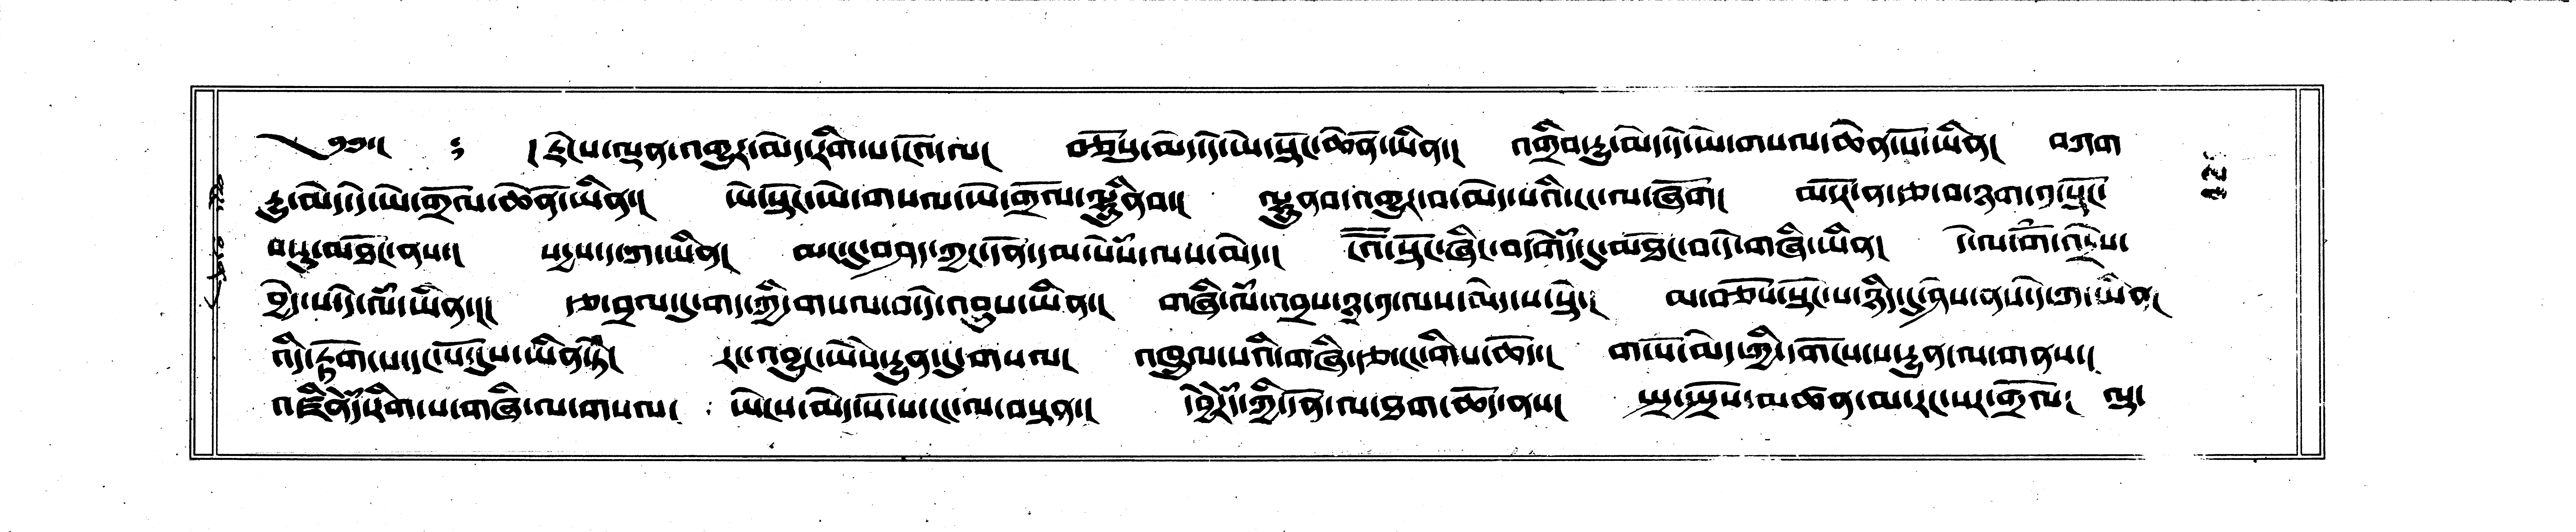རྡིང་ལྡན་འགྱུར་མེད་རིག་པའི་ངོའོ་ལ། བཅོས་རྒྱུ་མེད་དེ་ཡེ་སྟོང་ཆེན་པོ་ཡིན། འགྲིམ་རྒྱུ་མེད་དེ་ཡེ་གསལ་ཆེན་པོ་ཡིན། བཀའ་
༼བཀག༽རྒྱུ་མེད་དེ་ཡེ་གྲོལ་ཆེན་པོ་ཡིན། ཡེ་སྟོང་ཡེ་གསལ་ཡེ་གྲོལ་ལྷུན་གྱིས་གྲུབ། ལྷུན་གྲུབ་འགྱུར་བ་མེད་པའི་ངང་ལ་ཞོགས། མདོར་ན་རྩ་བ་ཉག་ཅིག་སྟོང་
པ་རུ་མཐོང་ན་སངས་རྒྱས་དེ་ཀ་ཡིན་ནོ། མང་དུ་བཤད་ཀྱང་དོན་དམ་སེམས་ལས་མེད། ངོའོ་སྟོང་ཞིང་བདག་མེད་དུ་མཐོང་བ་དེ་གཞི་ཡིན། དེ་ལ་གོམ་འདྲིས་
བྱེད་པ་དེ་ལམ་ཡིན། རྩ་བྲལ་ཀད་དེ་ལ་གསལ་བ་དེ་འབྲས་བུ་ཡིན་ནོ། གཞི་ལམ་འབྲས་གསུམ་ཀྱང་༼ཡང༽ངོའོ་ཅིག་ལས་མེད་པ་སྟེ། མ་བཅོས་སྟོང་པ་ཉིད་དུ་ཤེས་ན་དེ་ཀ་ཡིན། 
འདི་རྟོགས་པ་དང་པོའི་དུས་ཡིན་ཏེ། རང་འབྱུང་ཡེ་ཤེས་རྒྱུན་དུ་གསལ། འཁྲུལ་པའི་གཞི་རྩ་ངང་གིས་ཆོད། གཡོ་མེད་ཀྱིས་དགོང་པ་རྒྱུད་ལ་གནས། 
འཛིན་མེད་ཀྱིས་རིག་པ་གཞི་ལ་གསལ། ཡེངས་མེད་ཀྱིས་སོ་པ་ངང་གིས་བསྟན། དབྱེར་མེད་ཀྱིས་དོན་ལ་ཐག་ཆོད་ནས། སྤྲ་སྤྲོའི་མཚན་མ་རང་སར་གྲོལ། ལྟ་